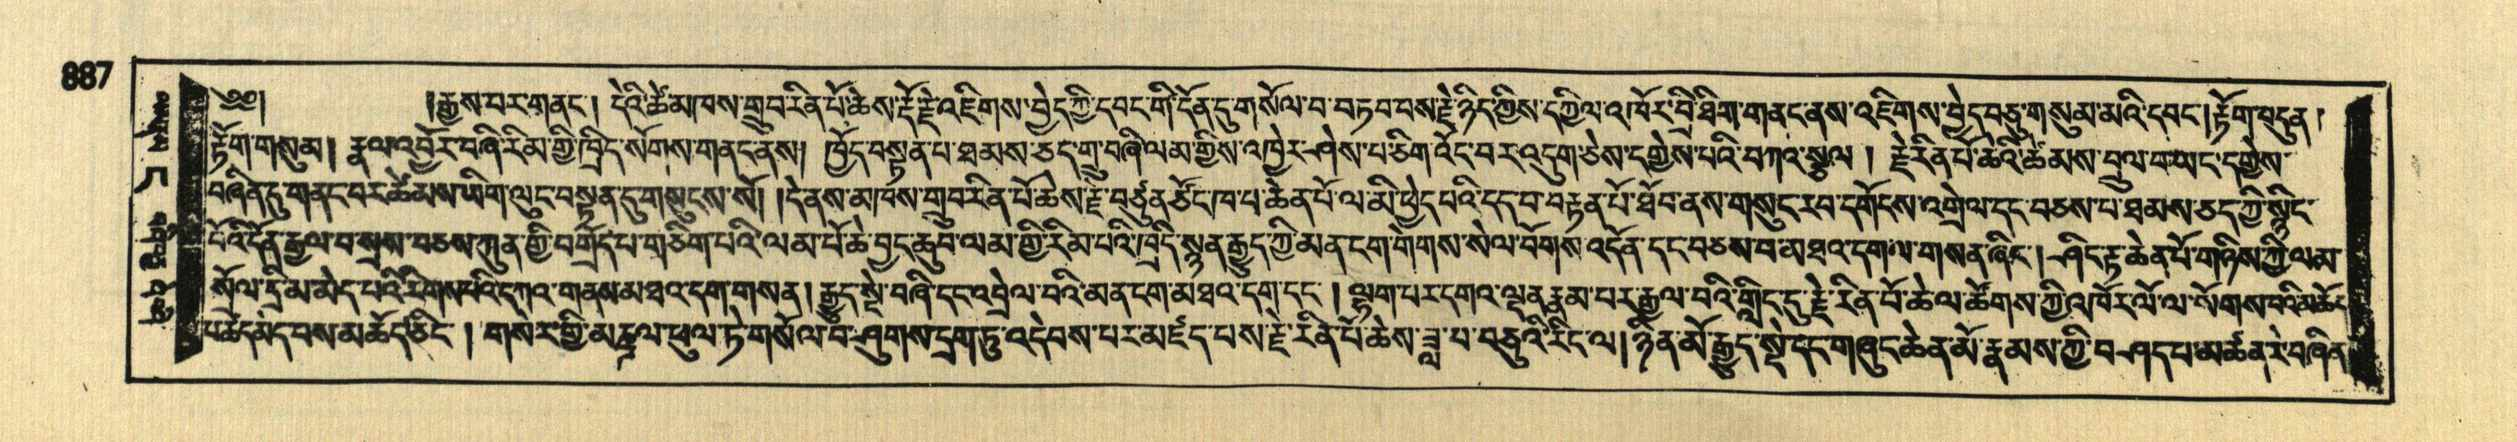༄༅། །རྒྱས་བར་གནང་། དེའི་ཚེ་མཁས་གྲུབ་རིན་པོ་ཆེས་རྡོ་རྗེ་འཇིགས་བྱེད་ཀྱི་དབང་གི་དོན་དུ་གསོལ་བ་བཏབ་བས་རྗེ་ཉིད་ཀྱིས་དཀྱིལ་འཁོར་བྲི་ཐིག་གནང་ནས་འཇིགས་བྱེད་བཅུ་གསུམ་མའི་དབང་། རྟོག་བདུན།
རྟོག་གསུམ། རྣལ་འབྱོར་བཞི་རིམ་གྱི་ཁྲིད་སོགས་གནང་ནས། ཁྱོད་བསྟན་པ་ཐམས་ཅད་གྲུ་བཞི་ལམ་གྱིས་འཁྱེར་ཤེས་པ་ཅིག་འོང་བར་འདུག་ཅེས་དགྱེས་པའི་བཀའ་སྩལ། རྗེ་རིན་པོ་ཆེའི་ཚེམས་བྲུལ་བ་ཡང་དགྱེས་
བཞིན་དུ་གནང་བར་ཚེམས་ཡིག་ལུང་བསྟན་དུ་གསུངས་སོ། །དེ་ནས་མཁས་གྲུབ་རིན་པོ་ཆེས་རྗེ་བཙུན་ཙོང་ཁ་པ་ཆེན་པོ་ལ་མི་ཕྱེད་པའི་དད་པ་བརྟན་པོ་ཐོབ་ནས་གསུང་རབ་དགོངས་འགྲེལ་དང་བཅས་པ་ཐམས་ཅད་ཀྱི་སྙིང་
བོའི་དོན་རྒྱལ་བ་སྲས་བཅས་ཀུན་གྱི་བགྲོད་པ་གཅིག་པའི་ལམ་པོ་ཆེ་བྱང་ཆུབ་ལམ་གྱི་རིམ་པའི་ཁྲིད་སྙན་རྒྱུད་ཀྱི་མན་ངག་གེགས་སེལ་བོགས་འདོན་དང་བཅས་བ་མཐའ་དག་ལ་གསན་ཞིང་། ཤིང་རྟ་ཆེན་པོ་གཉིས་ཀྱི་ལམ་
སྲོལ་དྲི་མ་མེད་པའི་རིགས་པའི་དཀའ་གནས་མཐའ་དག་གསན། རྒྱུད་སྡེ་བཞི་དང་འབྲེལ་བའི་མན་ངག་མཐའ་དག་དང་། ལྷག་པར་དགའ་ལྡན་རྣམ་པར་རྒྱལ་བའི་གླིང་དུ་རྗེ་རིན་པོ་ཆེ་ལ་ཚོགས་ཀྱི་འཁོར་ལོ་ལ་སོགས་བའི་མཆོད་
པ་ཚད་མེད་བས་མཆོད་ཅིང་། གསེར་གྱི་མཎྜལ་ཕུལ་ཏེ་གསོལ་བ་ཤུགས་དྲག་ཏུ་འདེབས་པར་མཛད་པས་རྗེ་རིན་པོ་ཆེས་ཟླ་བ་བཅུའི་རིང་ལ། ཉིན་མོ་རྒྱུད་སྡེ་དང་གཞུང་ཆེན་མོ་རྣམས་ཀྱི་བཤད་པ་མཚན་རེ་བཞིན་